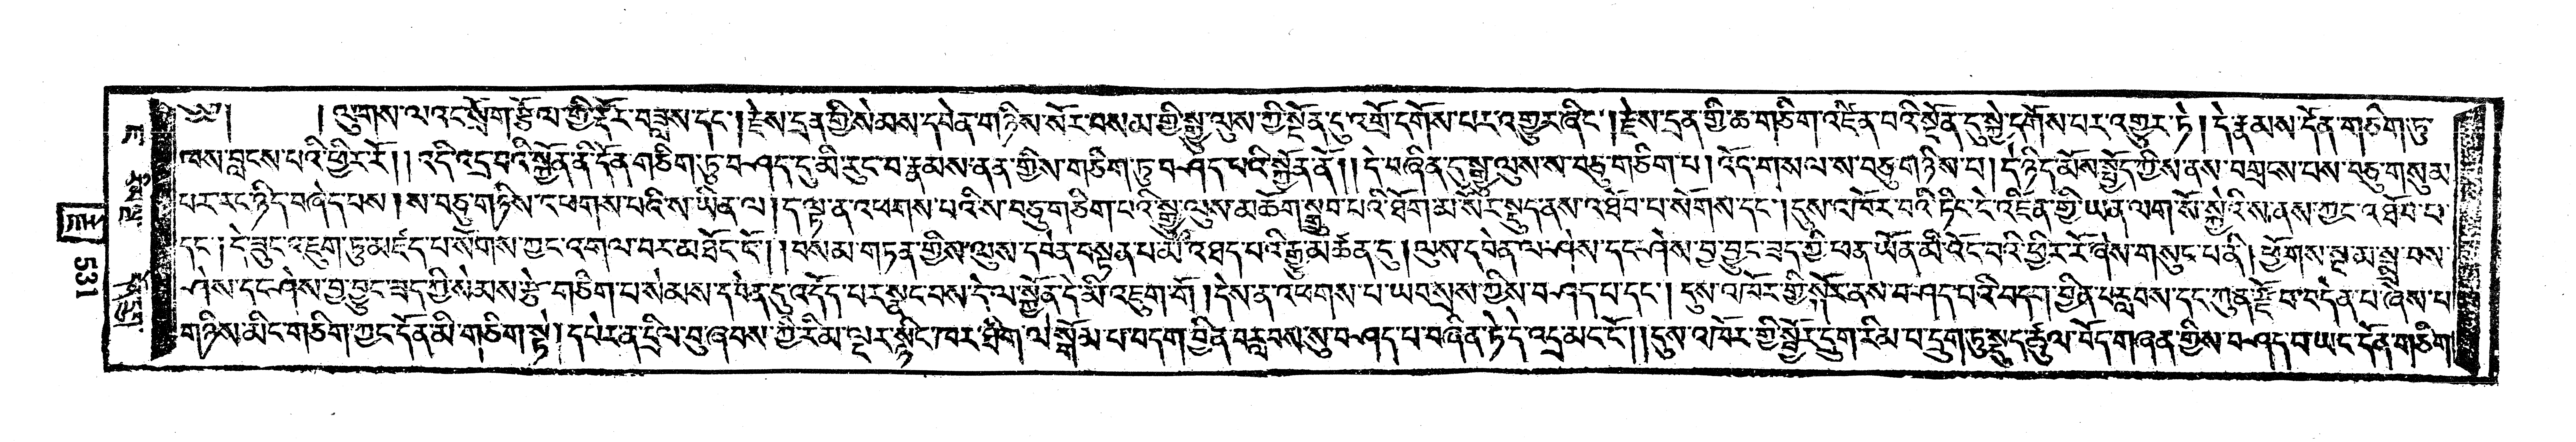༄༅། །ལུགས་ལའང་སྲོག་རྩོལ་གྱི་རྡོར་བཟླས་དང་། རྗེས་དྲན་གྱི་སེམས་དབེན་གཉིས་སོར་བསམ་གྱི་སྒྱུ་ལུས་ཀྱི་སྔོན་དུ་འགྲོ་དགོས་པར་འགྱུར་ཞིང་། རྗེས་དྲན་གྱི་ཆ་གཅིག་འཛིན་པའི་སྔོན་དུ་སྐྱེ་དགོས་པར་འགྱུར་ཏེ། དེ་རྣམས་དོན་གཅིག་ཏུ་
ཁས་བླངས་པའི་ཕྱིར་རོ། །འདི་འདྲ་བའི་སྐྱོན་ནི་དོན་གཅིག་ཏུ་བཤད་དུ་མི་རུང་བ་རྣམས་ནན་གྱིས་གཅིག་ཏུ་བཤད་པའི་སྐྱོན་ནོ། །དེ་བཞིན་དུ་སྒྱུ་ལུས་ས་བཅུ་གཅིག་པ། འོད་གསལ་ས་བཅུ་གཉིས་པ། དེ་ཉིད་མོས་སྤྱོད་ཀྱི་ས་ནས་བགྲངས་པས་བཅུ་གསུམ་
པར་རང་ཉིད་བཞེད་པས། ས་བཅུ་གཉིས་འཕགས་པའི་ས་ཡིན་ལ། ད་ལྟ་ན་འཕགས་པའི་ས་བཅུ་གཅིག་པའི་སྒྱུ་ལུས་མཆོག་སྒྲུབ་པའི་ཐོག་མ་སོར་སྡུད་ནས་འཐོབ་པ་སོགས་དང་། དུས་འཁོར་བའི་ཏིང་ངེ་འཛིན་གྱི་ཡན་ལག་སོ་སྐྱེའི་ས་ནས་ཀྱང་འཐོབ་པ་
དང་། དེ་ཟུང་འཇུག་ཏུ་མཛད་པ་སོགས་ཀྱང་འགལ་བར་མཐོང་ངོ། །བསམ་གཏན་གྱིས་ལུས་དབེན་བསྟན་པ་མི་འཐད་པའི་རྒྱུ་མཚན་དུ། ལུས་དབེན་ལ་ཤེས་དང་ཤེས་བྱ་བྱུང་ཟད་ཀྱི་ཕན་ཡོན་མི་འོང་བའི་ཕྱིར་རོ་ཞེས་གསུང་པ་ནི། ཕྱོགས་སྔ་མ་སྨྲས་བས་
ཤེས་དང་ཤེས་བྱ་བྱུང་ཟད་ཀྱི་སེམས་རྩེ་གཅིག་པ་སེམས་དབེན་དུ་འདོད་པར་སྣང་བས་དེ་ལ་སྐྱོན་དེ་མི་འཇུག་གོ །དེས་ན་འཕགས་པ་ཡབ་སྲས་ཀྱིས་བཤད་པ་དང་། དུས་འཁོར་གྱི་སྐོར་ནས་བཤད་པའི་བདག་བྱིན་བརླབས་དང་ཀུན་རྫོབ་བདེན་པ་ཞེས་པ་
གཉིས་མིང་གཅིག་ཀྱང་དོན་མི་གཅིག་སྟེ། དཔེར་ན་དྲིལ་བུ་ཞབས་ཀྱི་རིམ་ལྔར་སྙིང་ཁར་ཐིག་ལེ་སྒོམ་པ་བདག་བྱིན་བརླབས་སུ་བཤད་པ་བཞིན་ཏེ་དེ་འདྲ་མང་ངོ། །དུས་འཁོར་གྱི་སྦྱོར་དྲུག་རིམ་པ་དྲུག་ཏུ་སྡུད་ཚུལ་བོད་གཞན་གྱིས་བཤད་པ་ཡང་དོན་གཅིག་